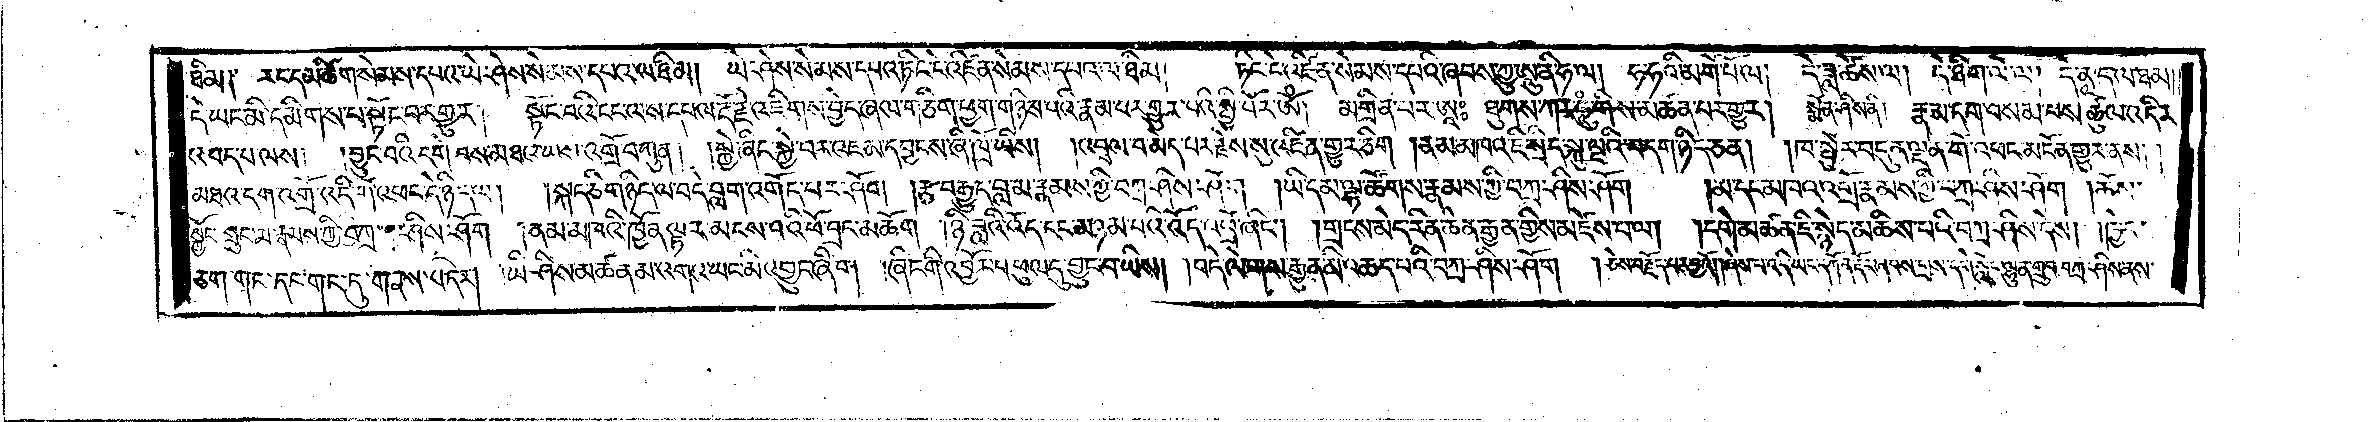ཐིམ༑ རང་དམ་ཚིག་སེམས་དཔའ་ཡེ་ཤེས་སེམས་དཔའ་ལ་ཐིམ། ཡེ་ཤེས་སེམས་དཔའ་ཏིང་ངེ་འཛིན་སེམས་དཔའ་ལ་ཐིམ། ཏིང་ངེ་འཛིན་སེམས་དཔའི་ཞབས་ཀྱུ་ཨཱུ་ནི་ཧ་ལ། ཧ་ཧའི་མགོ་པོ་ལ༑ དེ་ཟླ་ཆོས་ལ། དེ་ཐིག་ལེ་ལ། དེ་ནཱ་ད་ལ་ཐམ།།
དེ་ཡང་མི་དམིགས་པ་སྟོང་བར་གྱུར། སྟོང་བའི་ངང་ལས་དཔལ་རྡོ་རྗེ་འཇིགས་བྱེད་ཞལ་གཅིག་ཕྱག་གཉིས་པའི་རྣམ་པར་གྱུར་པའི་སྤྱི་པོར་ཨོཾ། མགྲིན་པར་ཨཱཿ ཐུགས་ཀར་ཧཱུཾ་གིས་མཚན་པར་གྱུར། སྨོན་ཤིས་ནི།  རྣམ་དག་བསམ་པས་ཚུལ་འདིར་
འབད་པ་ལས། །བྱུང་བའི་དགེ་བས་མཐའ་ཡས་འགྲོ་བ་ཀུན། །སྐྱེ་ཞིང་སྐྱེ་བར་འཇམ་དབྱངས་ཞི་ཁྲོ་ཡིས། །འབྲལ་བ་མེད་པར་རྗེས་སུ་འཛིན་གྱུར་ཅིག །ནམ་མཁའ་ཇི་སྲིད་སྐུ་ལྔའི་བདག་ཉིད་ཅན། །ཁ་སྦྱོར་བདུན་ལྡན་གོ་འཕང་མངོན་གྱུར་ནས། །
མཐའ་དག་འགྲོ་འདི་གོ་འཕང་དེ་ཉིད་ལ། །སྐད་ཅིག་ཉིད་ལ་བདེ་བླག་འགོད་པར་ཤོག །རྩ་བརྒྱུད་བླ་མ་རྣམས་ཀྱི་བཀྲ་ཤིས་ཤོག །ཡི་དམ་ལྷ་ཚོགས་རྣམས་ཀྱི་བཀྲ་ཤིས་ཤོག །མ་དང་མཁའ་འགྲོ་རྣམས་ཀྱི་བཀྲ་ཤིས་ཤོག །ཆོས་
སྐྱོང་སྲུང་མ་རྣམས་ཀྱི་བཀྲ་ཤིས་ཤོག །ནམ་མཁའི་ཁྱོན་ལྟར་མངས་པའི་ཕོ་བྲང་མཆོག །ཉི་ཟླའི་འོད་དང་མཉམ་པའི་འོད་འཕྲོ་ཞིང་། །གྲངས་མེད་རིན་ཆེན་རྒྱན་གྱིས་མཛེས་པ་ལ། །དགེ་མཚན་ཇི་སྙེད་མཆིས་པའི་བཀྲ་ཤིས་དེས། །ཁྱེད་
ཅག་གང་དང་གང་དུ་གནས་པ་དེར། ཡི་ཤེས་མཚན་མ་འགའ་ཡང་མི་འབྱུང་ཞིག །ཞིང་གི་འབྱོར་པ་ཕུལ་དུ་བྱུང་བ་ཡིས། །བདེ་ལེགས་རྒྱུན་མི་འཆད་པའི་བཀྲ་ཤིས་ཤོག །ཅེས་བརྗོད་པར་བྱའོ། །ཞེས་པ་འདི་ཡང་དཀོན་རྡོར་ཞབས་གྲས་དགེ་སློང་ལྷུན་གྲུབ་བཀྲ་ཤིས་ནས་